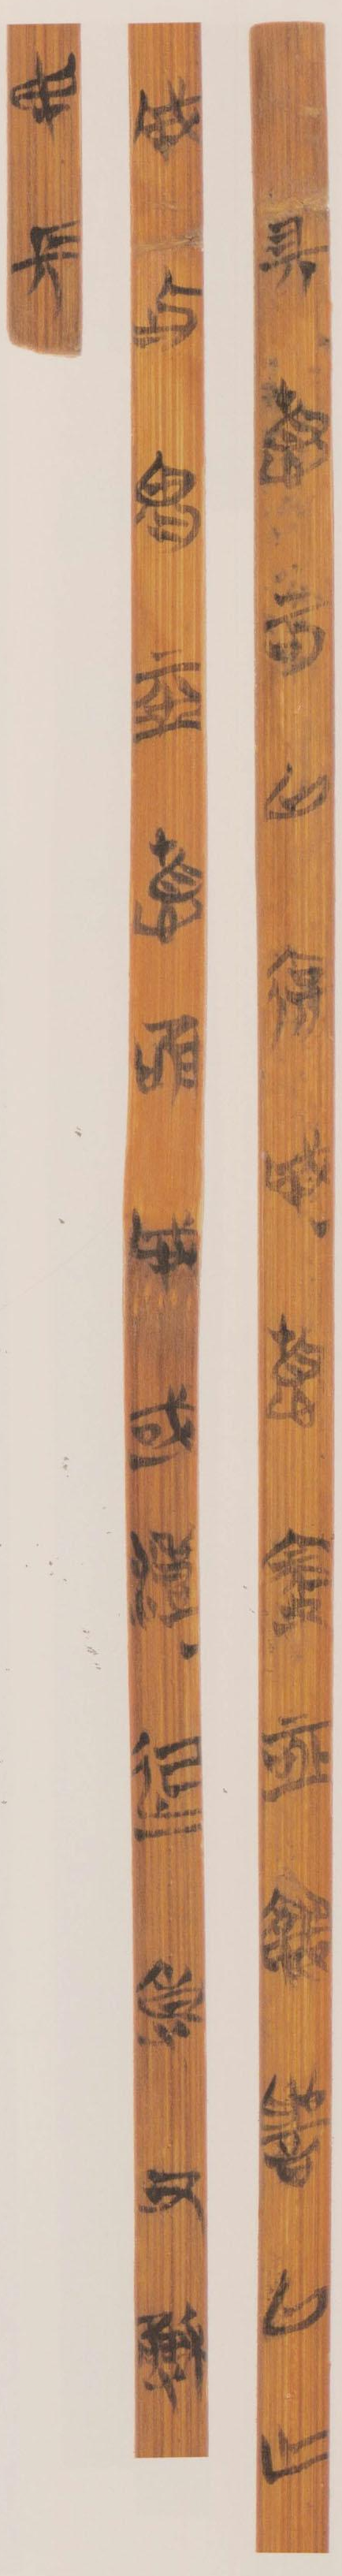𡵂惪可㠯（以）{宀保}成惪{宀卞又}亟執譌㠯（以）亡成此胃亞惪唯成或{水𠁁}起事又穫民長
